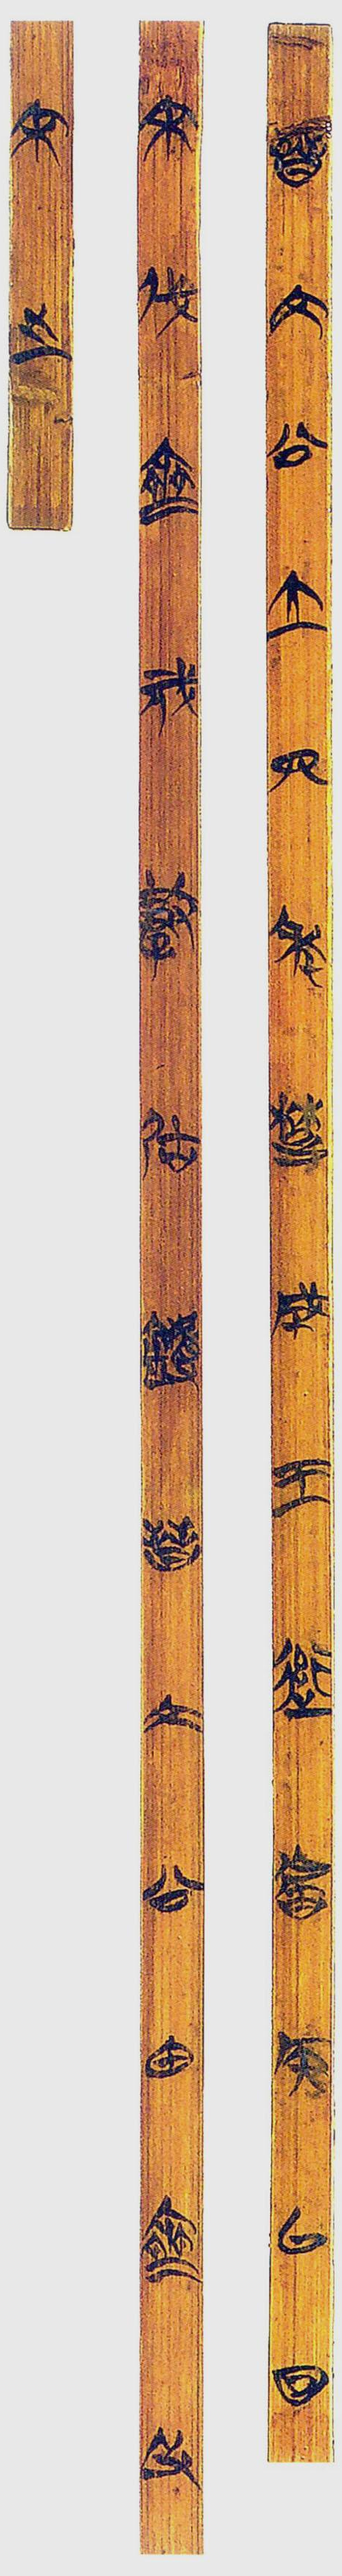晉文公立四年楚成王{行幺止}者侯㠯（以）回宋伐齊戍{㱿子}居{金虍且又}晉文公囟齊及宋之
